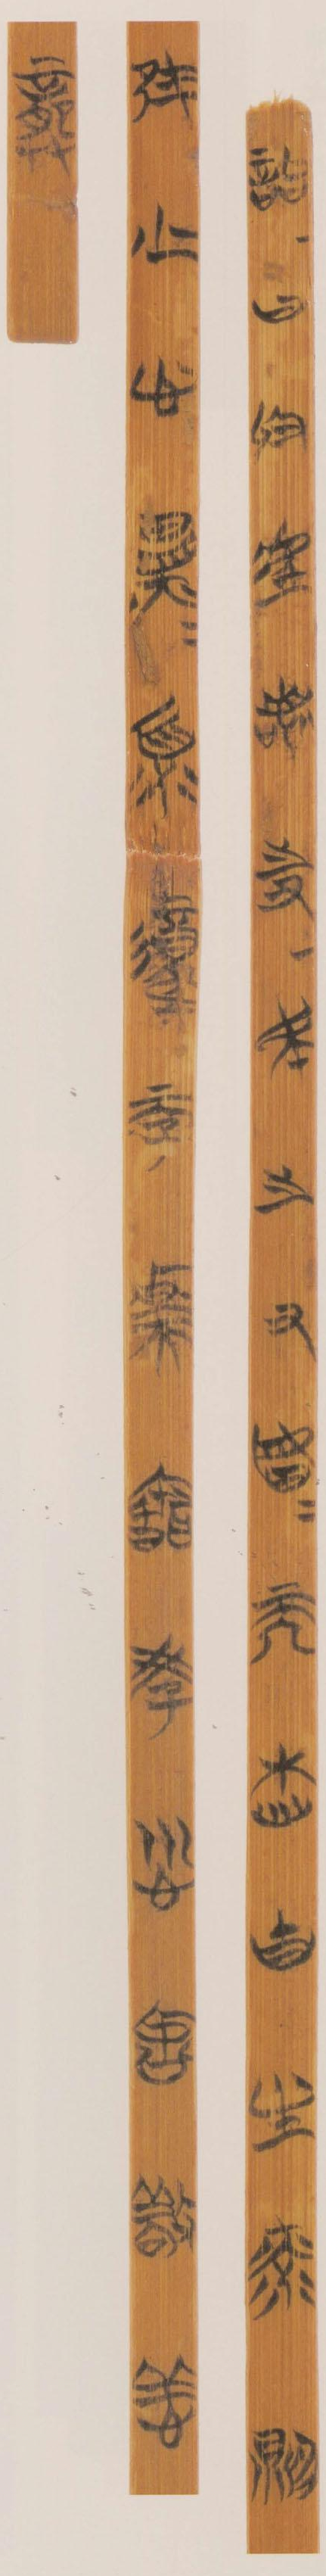訽曰於𫊟若寺民之又母田=而本B（本）由生光則隹少心翼=寡復{亓子}{真天}（祗）{尒䎽}𡥈{川心}{余口}敬恙龏
